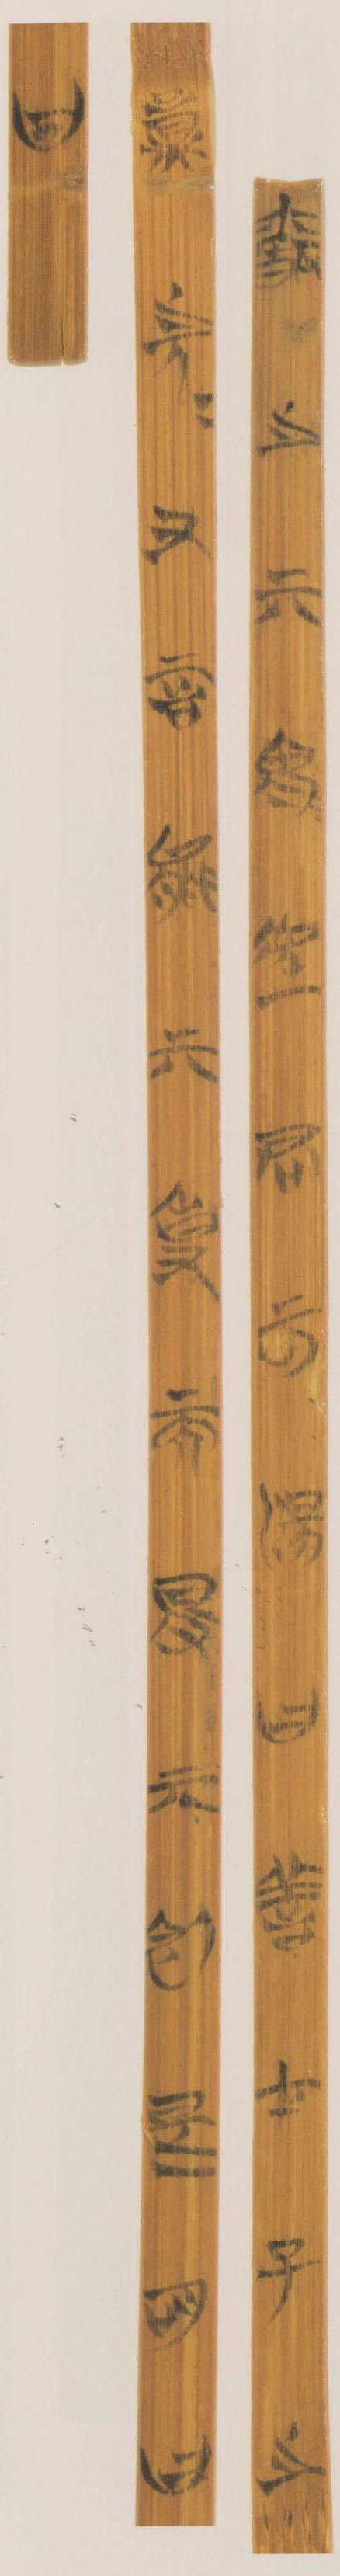{尒䎽}之亓胃𫊟君可湯曰善才子之員先=又言能亓事而𠭁亓飤是名曰昌
